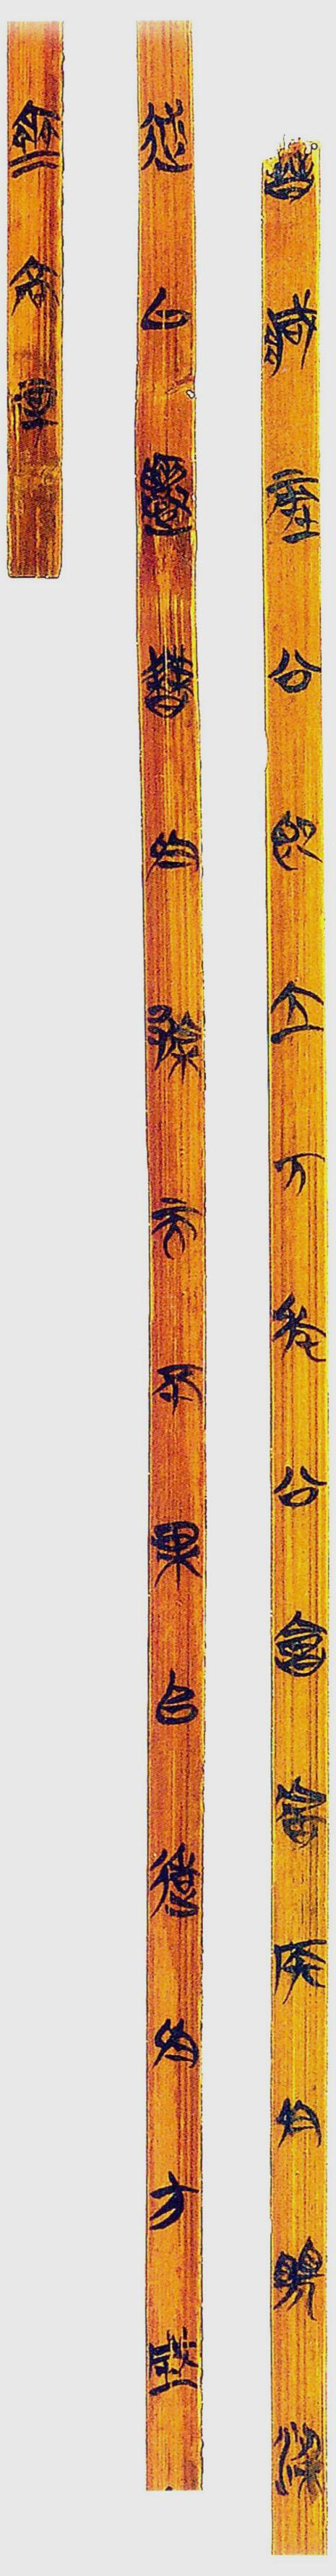晉戕坪公即立兀年公會者侯於瞁梁述㠯（以）{䙴止}{無日}於{枼阝}而不果𠂤造於方城齊高厚
